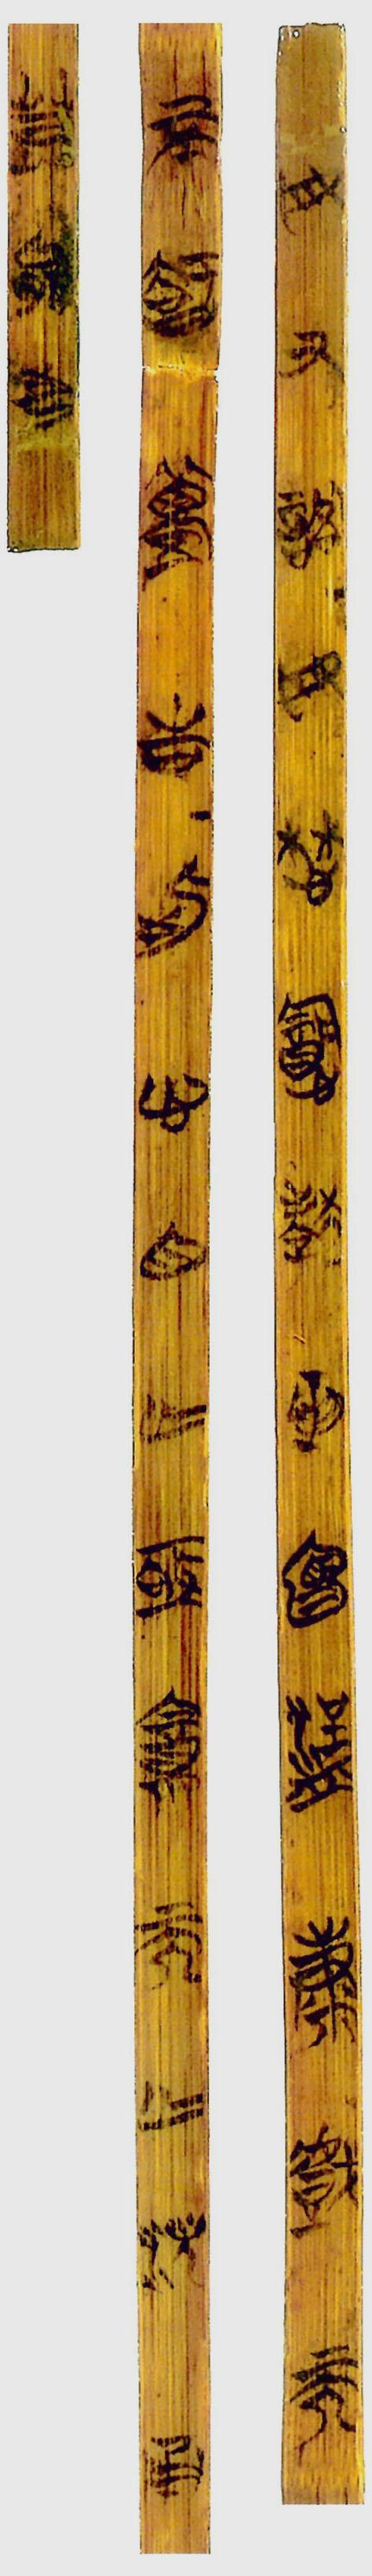母又{言咎}母惏{酓心}{孝犬}昆{囗馬}{浧皿}康戲而不智{𦭝五}告此心目亡亟{富示}而亡淣用莫能{之止}
